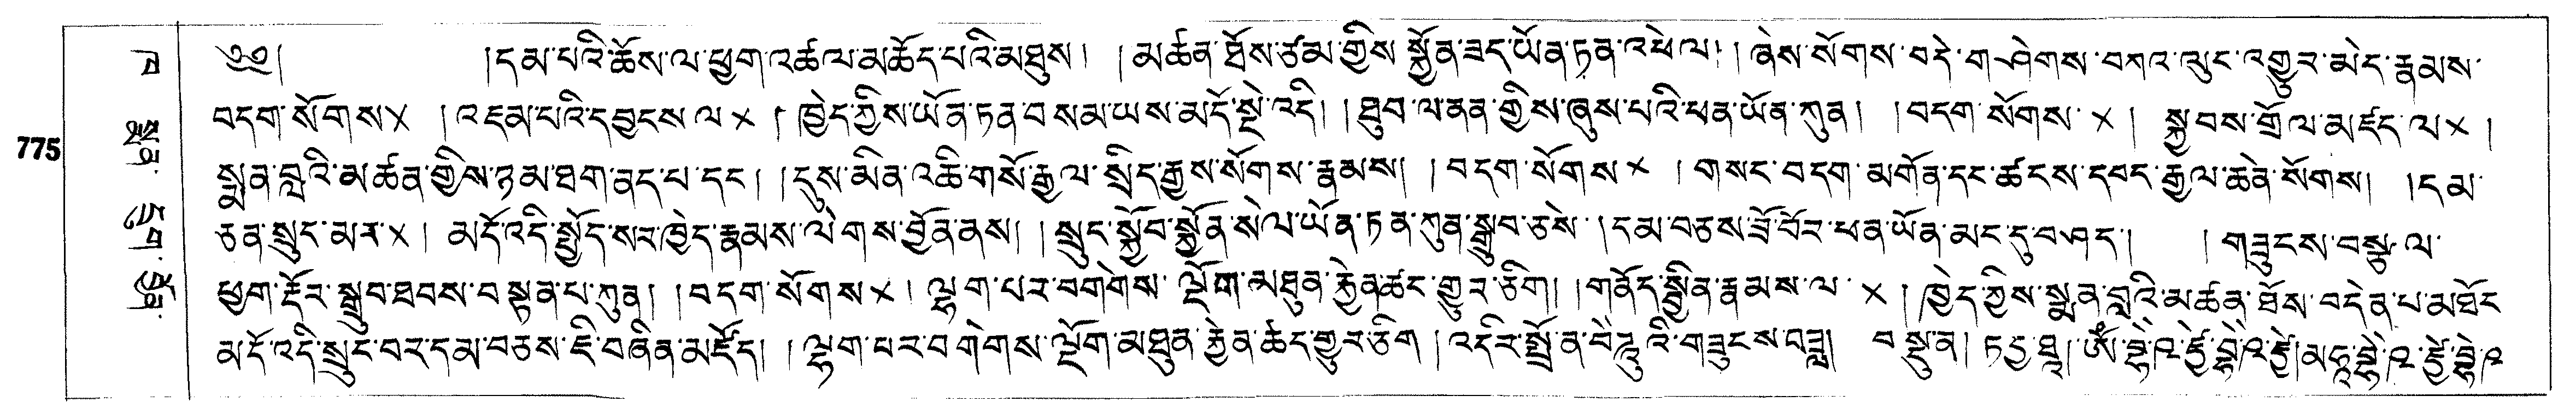༄༅། །དམ་པའི་ཆོས་ལ་ཕྱག་འཚལ་མཆོད་པའི་མཐུས། །མཚན་ཐོས་ཙམ་གྱིས་སྐྱོན་ཟད་ཡོན་ཏན་འཕེལ། །ཞེས་སོགས་བདེ་གཤེགས་བཀའ་ལུང་འགྱུར་མེད་རྣམས་
བདག་སོགས་྾། འཇམ་པའི་དབྱངས་ལ་྾། ཁྱེད་ཀྱིས་ཡོན་ཏན་བསམ་ཡས་མདོ་སྡེ་འདི། །ཐུབ་ལ་ནན་གྱིས་ཞུས་པའི་ཕན་ཡོན་ཀུན། །བདག་སོགས་྾། སྐྱབས་གྲོལ་མཛད་ལ་྾།
སྨན་བླའི་མཚན་གྱིས་ཉམ་ཐག་ནད་པ་དང་། །དུས་མིན་འཆི་གསོ་རྒྱལ་སྲིད་རྒྱས་སོགས་རྣམས། །བདག་སོགས་྾། གསང་བདག་མགོན་དང་ཚངས་དབང་རྒྱལ་ཆེན་སོགས། །དམ་
ཅན་སྲུང་མར་྾། མདོ་འདི་སྤྱོད་སར་ཁྱེད་རྣམས་ལེགས་བྱོན་ནས། །སྲུང་སྐྱོབ་སྐྱོན་སེལ་ཡོན་ཏན་ཀུན་སྒྲུབ་ཅེས། དམ་བཅས་ཟོ་བོར་ཕན་ཡོན་མང་དུ་བཤད། །གཟུངས་བསྩལ་
ཕྱག་རྡོར་སྒྲུབ་ཐབས་བསྟན་པ་ཀུན། །བདག་སོགས་྾། ལྷག་པར་བགེགས་ལྡོག་མཐུན་རྐྱེན་ཚང་གྱུར་ཅིག ། །གནོད་སྦྱིན་རྣམས་ལ་྾། ཁྱེད་ཀྱིས་སྨན་བླའི་མཚན་ཐོས་བདེན་པ་མཐོང་
མདོ་འདི་སྲུང་བར་དམ་བཅས་ཇི་བཞིན་མཛོད། །ལྷག་པར་བགེགས་ལྡོག་མཐུན་རྐྱེན་ཚད་གྱུར་ཅིག །འདིར་སྤྲོ་ན་བཻཌཱུའི་གཟུངས་བཟླ། བསྡུ་ན། ཏདྱ་ཐཱ། ཨོཾ་བྷཻ་ཥ་ཛྱེ་བྷཻ་ཥ་ཛྱེ། མཧཱ་བྷཻ་ཥ་ཛྱེ་བྷཻ་ཥ་